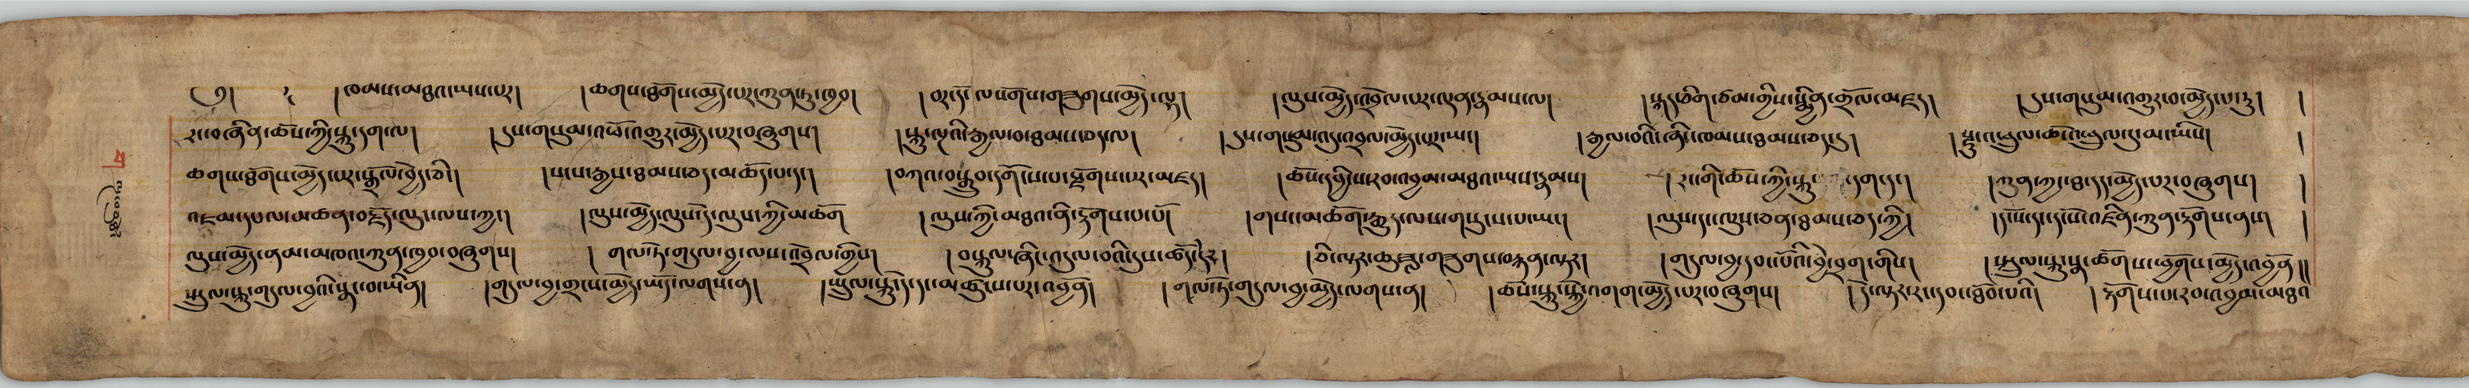༅། །ཁམས་མཐའ་ཡས་པར། །ཆགས་ཐོགས་མྱེད་པར་ཀུན་ཏུ་ཁྱབ། །བར་དོ་ལསོགས་གཟུགས་མྱེད་ལྷ། །ལུས་མྱེད་འབྲེལ་པར་ལྡན་རྣམས་ལ། །སྐད་ཅིག་ཙམ་གྱིས་སྨྱིན་གྲོལ་མཛད། །དུས་གསུམ་འགྱུར་བ་མྱེད་པ་རུ།
རང་བཞིན་ཆོས་ཀྱི་སྐུ་དག་ལ། །དུས་གསུམ་འཕོ་འགྱུར་མྱེད་པར་བཞུགས། །སྐུ་ལྔའི་རྒྱལ་བ་ཐམས་ཅད་ལ། །དུས་གསུམ་འདུ་འབྲལ་མྱེད་པར་ཡང། །རྒྱལ་བའི་ཞིང་ཁམས་ཐམས་ཅད་དུ། །སྫུ་འཕྲུལ་ཆོ་འཕྲུལ་དུ་མ་ཡིས།
ཆགས་ཐོགས་མྱེད་པར་སྒརོལ་བྱེད་ཅིང། །སངས་རྒྱས་ཐམས་ཅད་མཆོད་པ་དང། །བཀའ་བསྒྲུབ་དགོངས་པ་སྫོགས་པར་མཛད། །ཆོས་དབྱིངས་རབ་འབྱམ་མཐའ་ཡས་རྣམས། །རང་གི་ཆོས་ཀྱི་སྐུ་ དག་དང། །ཀུན་ཀྱང་ཐ་དད་མྱེད་པར་བཞུགས།
འཇམ་དཔལ་མཚན་བརྗོད་ལུང་ལས་ཀྱང། །ལུས་མྱེད་ལུས་དེ་ལུས་ཀྱི་མཆོག །ལུས་ཀྱི་མཐའ་ནི་རྟོགས་པ་པོ། །གསང་མཆོག་རྒྱུད་ལས་གསུངས་པ་ཡང། །ལུས་དང་ལུས་ཅན་ཐམས་ཅད་ཀྱི། །དངོས་དང་དངོས་འཛིན་ཀུན་རྟོགས་ནས།
ལུས་མྱེད་ནམ་མཁའ་ཀུན་ཁྱབ་བཞུགས། ། གལ་ཏེ་གདུལ་བྱ་ལས་འབྲེལ་གྱིས། །སྦུལ་ཞིང་འདུལ་བའི་དུས་ཚོད་དེར། །ཅི་ལྟར་ཆུ་ཟླ་གཟུགས་བརྙན་ལྟར། །གདུལ་བྱ་དབང་པོའི་བྱེ་བྲག་གིས། །སྤྲུལ་སྐུ་སྣ་ཚོགས་ཕྱོགས་མྱེད་འབྱོན།།
སྤྲུལ་སྐུ་གདུལ་བྱའི་སྣང་བ་ཡིན། །གདུལ་བྱ་གྲངས་མྱེད་ཡོད་ལགས་ན། །སྤྲུལ་སྐུ་དེ་དང་མཚུངས་པར་འབྱོན། །གལ་ཏེ་གདུལ་བྱ་མྱེད་ལགས་ན། །ཆོས་སྐུ་སྐྱེ་འགག་མྱེད་པར་བཞུགས། །དེ་ལྟར་རང་དབང་ཐོབ་པའི། །རྟོགས་པ་རབ་འབྱམ་མཐའ